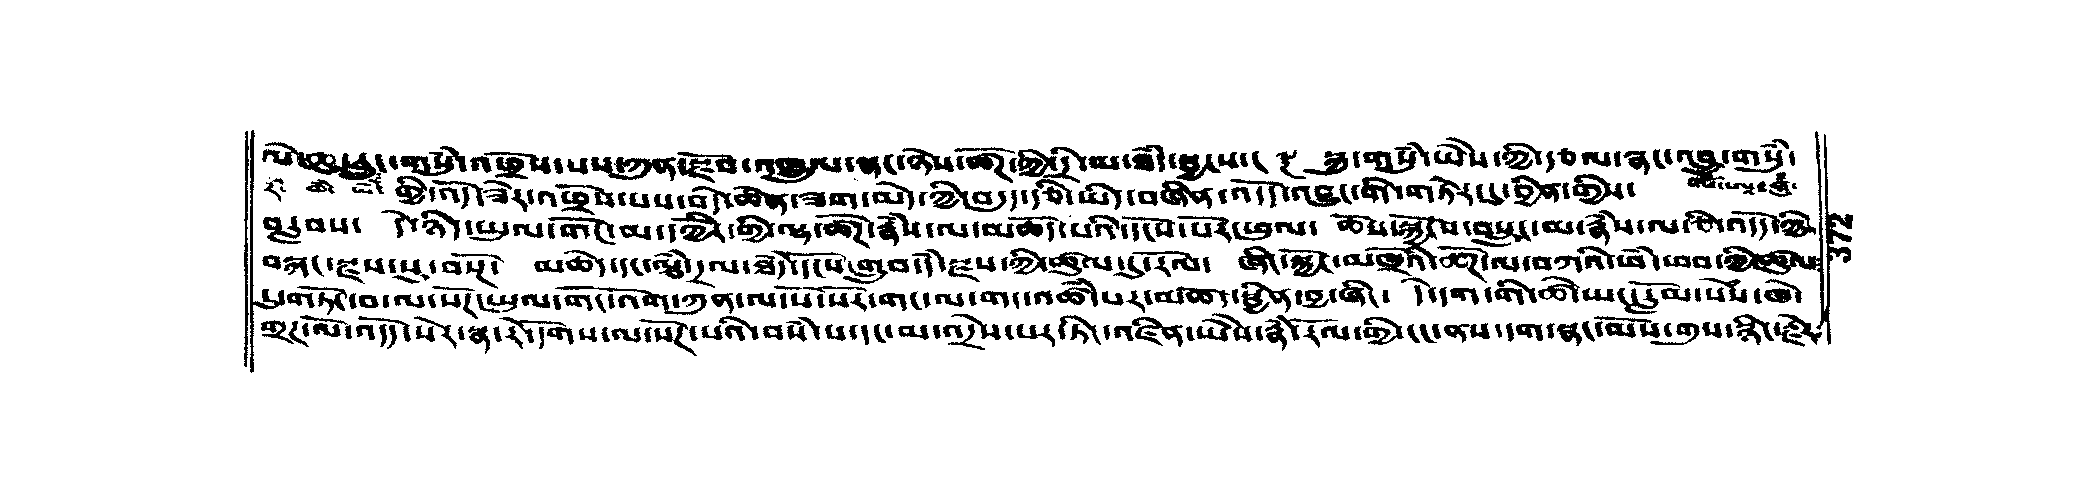མེ་རྃ ཆུ་ཁྂ་རླུང་ཡྂ་གསུམ་འཕྲོས་པས་ཀུན་རྫོབ་འཁྲུལ་སྣང་ཉེས་ཚོགས་ཀྱི་དྲི་མ་ཐམས་ཅད་སྦྱངས། ༈ སྐུ་གསུམ་ཡེ་ཤེས་ཀྱི་རྩལ་སྣང་འབྲུ་ཨོྃ་ཨཱ་ཧཱུྂ། གསུམ་
གྱི་འོད་ཟེར་འཕྲོས་པས་བདེ་ཆེན་ཟག་མེད་ཀྱི་བདུད་རྩིར་ཡིད་བཞིན་འདོད་འབྱུང་གི་གཏེར་དུ་བྱིན་གྱིས་
བརླབས། དེ་ཉིད་ཡུལ་གོང་མ་དཀྱིལ་འཁོར་གྱི་ལྷ་ཚོགས་རྣམས་ལ་མཆོད་པའི་དངོས་པོར་ཕུལ། ཆོས་སྐྱོང་སྲུང་མ་རྣམས་ལ་ཅི་འདོད་ཀྱི་
བསྐང་རྫས་ཕུལ། མཆེད་དང་ལྕམ་དྲལ་ཐམས་ཅད་དངོས་གྲུབ་དམ་རྫས་ཀྱི་ཚུལ་དུ་རོལ། ཞིང་སྐྱོང་མཁའ་འགྲོའི་ཚོགས་ལ་བཀའི་ཕམ་ཕབ་ཀྱི་ཚིལ
་དུ་གཏོང་བ་ལ་སོགས་ཡུལ་གོང་འོག་ཀུན་ལ་སོ་སོར་གང་ལ་འཚམ་པར་མཆོད་སྦྱིན་་བྱ་ཞིང་། དེ་དག་གི་ཚེ་ཡང་རློམ་སེམས་ཁེ་
གྲགས་ལོ་འདོད་སེར་སྣ་རེ་དོགས་ལ་སོགས་པའི་བསམ་པ་དང་མ་འདྲེས་པར་ཏིང་འཛིན་ཡེ་ཤེས་རྣམ་རོལ་གྱི་ངང་ནས་དག་སྣང་མོས་གུས་སྙིང་རྗེ་